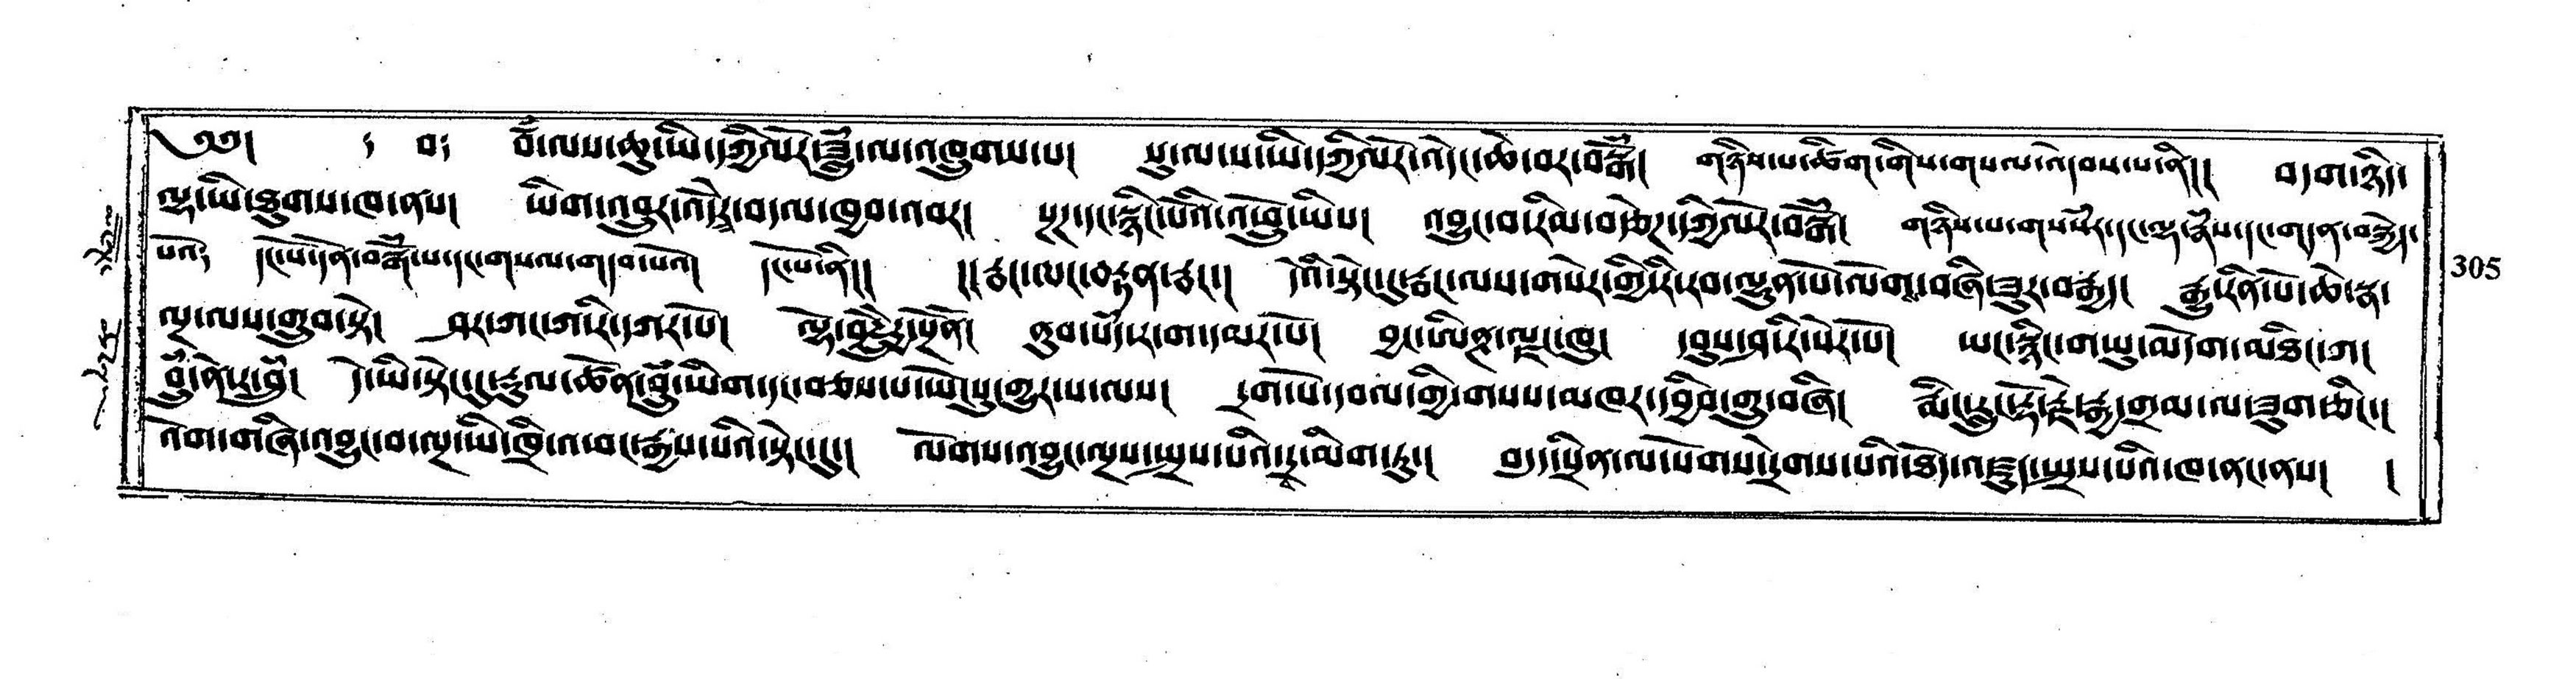བ། བྃ་ལས་ཆུ་ཡི་དཀྱིལ་འཁོར་ཟླུམ་ལ་འཁྲུགས་པ། སུ་ལ་ས་ཡི་དཀྱིལ་འཁོར་འདེང་ཆེ་བར་བསྒོམ། གཉིས་པ་ཚིག་གིས་གསལ་འདེབས་པ་ནི།། བདག་ཉིད་
ལྷ་ཡི་ཐུགས་ཁ་ནས། ཡིག་འབྲུར་འོད་ཟེར་བདལ་ཁྱབ་འབར། སྔགས་དང་སྙིང་པོའི་འཕྲོ་འདུ་ཡིས། འབྱུང་བ་རིམ་བརྩེགས་དཀྱིལ་འཁོར་བསྒོམ། གཉིས་པ་གསས་མཁར་དང་ལྷ་རྣམས་དང་གདན་བསྐྱེད་
པའོ། དང་པོ་དོན་བསྒོམ་པ་དང་གསལ་གདབ་པའོ། དང་པོ་ནི།། །།རྦང་ལང་བརྟན་རྦང་། དེའི་སྟེང་དུ་རྦང་ལས་གསེར་གྱི་རི་རབ་ལྷུན་པོ་ལོགས་བཞི་ཟུར་བརྒྱད། རྒྱུ་རིན་པོ་ཆེ་སྣ་
ལྔ་ལས་གྲུབ་སྟེ། ཤར་ཀང་ཀ་རི་དཀར་པོ། ལྷོ་བཱཻཌུརྱ་སྔོན་པོ། ནུབ་པད་མ་ར་ག་དམར་པོ། བྱང་ཨིནྜ་ལྗང་ཁུ། དབུས་ཤ་རི་སེར་པོ། ཡང་སྙིང་གཡུ་མདོག་མཐིང་ཀ་
བྲུཾ་ནེ་ར་བྲུཾ། དེ་ཡི་སྟེང་དུ་རྡུལ་ཚོན་བྲུཾ་ཡིག་དང་བཅས་པ་ཡོངས་སུ་གྱུར་པ་ལས། དྲག་པོ་དབལ་གྱི་གསས་མཁར་དབྱིབ་གྲུ་བཞི། རྨིང་རླུང་རྡོ་རྗེ་རྒྱ་གྲམ་ལ་ཟུག་ཅིང་།
འོག་གཞི་འབྱུང་བ་ལྔ་ཡི་ཁྲི་འཕང་རྒྱས་པའི་སྟེང་དུ། ལོགས་འབྱུང་ལྔས་སྤྲས་པའི་དྲྭ་མིག་ཏུ། བདུད་སྲིན་ལ་སོགས་དྲེགས་པའི་ཐོད་འཛུད་སྤྲས་པའི་ཁ་ནང་ནས།